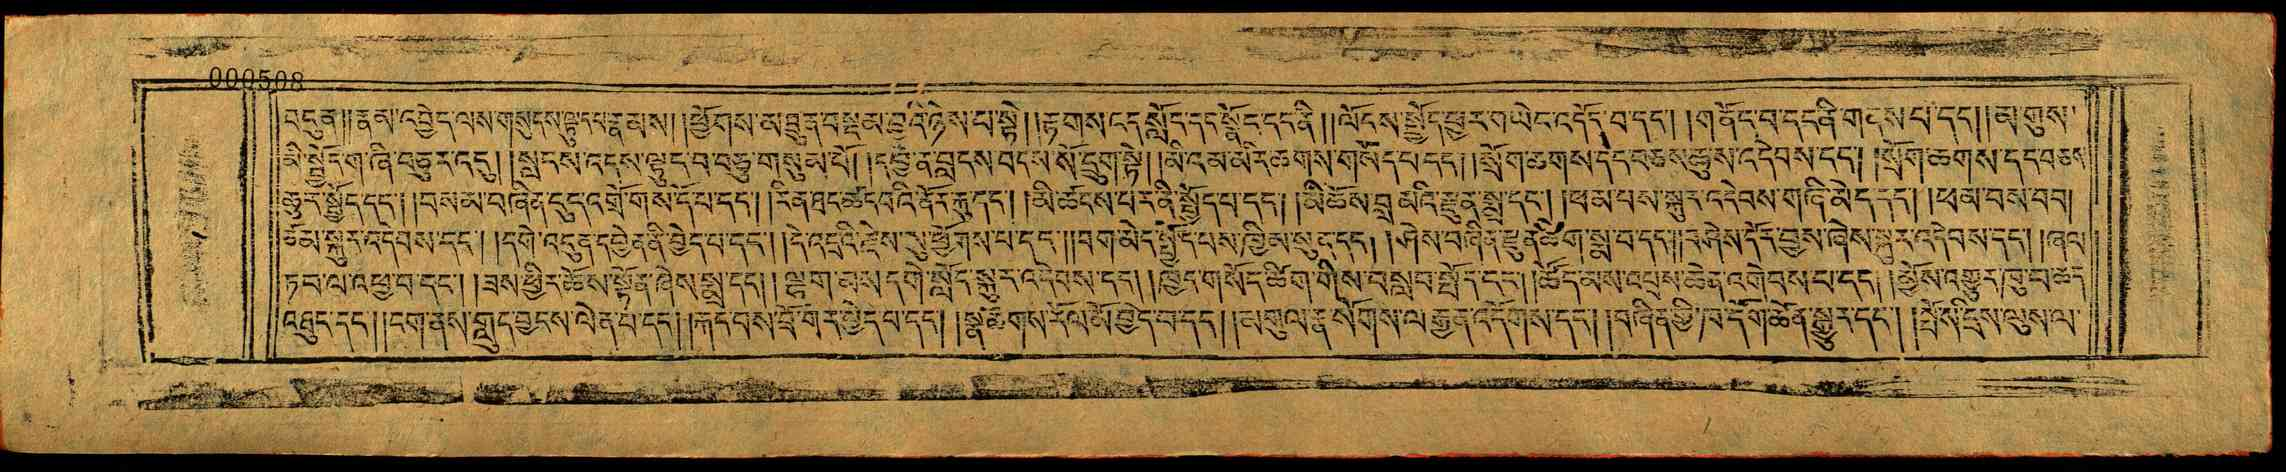བདུན། །རྣམ་འབྱེད་ལས་གསུངས་ལྟུང་བ་རྣམས། །ཕྱོགས་མཐུན་བསྡམ་བྱའི་ཉེས་པ་སྟེ། །རྟགས་དང་སློང་དང་སྣོད་དང་ནི། །ལོངས་སྤྱོད་ཕྱར་གཡེར་འདོད་པ་དང་། །གནོད་པ་དང་ནི་གནས་པ་དང་། །མ་གུས་
མི་སྦྱོང་གཞི་བཅུར་འདུ། །སླངས་འདས་ལྟུང་བ་བཅུ་གསུམ་པོ། །དབྱེ་ན་བླངས་འདས་སོ་དྲུག་སྟེ། །མིའམ་མིར་ཆགས་གསོད་པ་དང་། །སྲོག་ཆགས་དང་བཅམ་ཆུས་འདེབས་དང་། །སྲོག་ཆགས་དང་བཅས་
ཆུར་སྤྱོད་དང་། །བསམ་བཞིན་དུད་འགྲོ་གསོང་པ་དང་། །རིན་ཐང་ཚང་བའི་ནོར་རྐུ་དང་། །མི་ཚངས་པར་ནི་སྤྱོད་པ་དང་། །མི་ཆོས་བླ་མའི་རྫུན་སྨྲ་དང་། །ཕམ་པས་སྐུར་འདེབས་གཞི་མེད་དང་། །ཕམ་པས་བག་
ཙམ་སྐུར་འདེབས་དང་། །དགེ་འདུན་དབྱེན་ནི་བྱེད་པ་དང་། །དེ་འདྲའི་རྗེས་སུ་ཕྱོགས་པ་དང་། །བག་མེད་སྤྱོད་པས་ཁྱིམ་སུན་དང་། །ཤེས་བཞིན་རྫུན་ཚིག་སྨྲ་བ་དང་། །བཤེས་ངོར་བྱས་ཞེས་སྐུར་འདེབས་དང་། །ཞལ་
ཏ་བ་ལ་འཕྱ་བ་དང་། །ཟས་ཕྱིར་ཆོས་སྟོན་ཞེས་སྨྲ་དང་། །ལྷག་མས་དགེ་སློང་སྐུར་འདེབས་དང་། །ཁྱད་གསོད་ཚིག་གིས་བསླབ་སྤོང་དང་། །ཚོད་མས་འབྲས་ཆེན་འགེབས་པ་དང་། །མྱོས་འགྱུར་ཁུ་བ་ཆད་
འཐུང་དང་། །དག་ནས་གླུ་དབྱངས་ལན་པ་དང་། །རྐང་པས་བྲོ་གར་བྱེད་པ་དང་། །སྣ་ཆགས་རོལ་མོ་བྱེད་པ་དང་། །མགུལ་རྣ་སོགས་ལ་རྒྱན་འདོགས་དང་། །བཞིན་གྱི་ཁ་དོག་ཚོན་སྒྱུར་དང་། །སྤོས་དྲིས་ལུས་ལ་